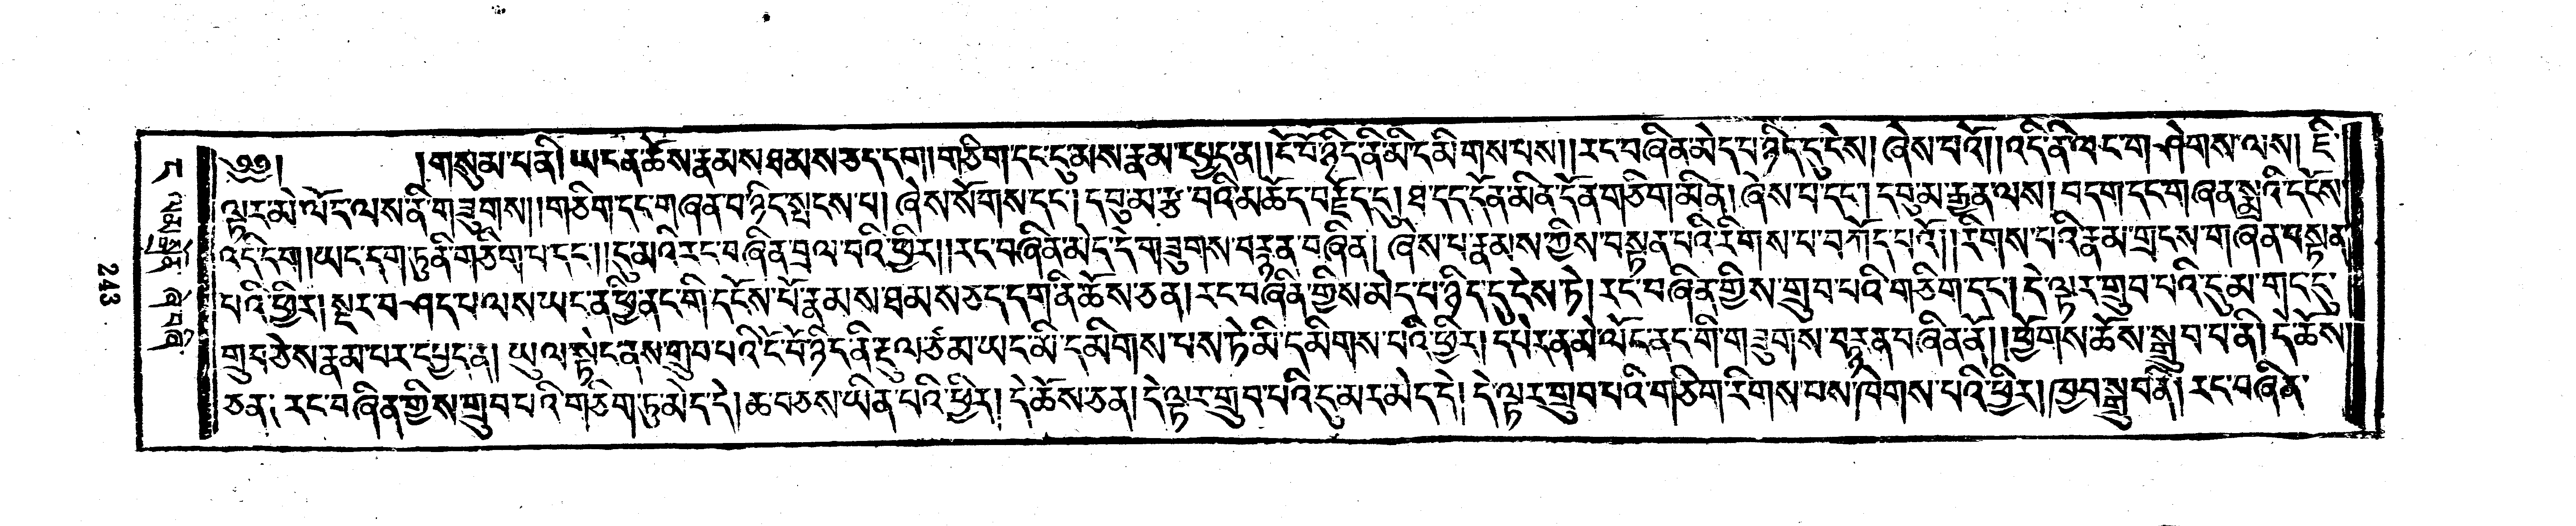༄༅། །གསུམ་པ་ནི། ཡང་ན་ཆོས་རྣམས་ཐམས་ཅད་དག །གཅིག་དང་དུ་མས་རྣམ་དཔྱད་ན། །ངོ་བོ་ཉིད་ནི་མི་དམིགས་པས། །རང་བཞིན་མེད་པ་ཉིད་དུ་ངེས། ཞེས་པའོ། །འདི་ནི་ལང་གཤེགས་ལས། ཇི་
ལྟར་མེ་ལོང་ལས་ནི་གཟུགས། །གཅིག་དང་གཞན་པ་ཉིད་སྤངས་པ། ཞེས་སོགས་དང་། དབུ་མ་རྩ་བའི་མཆོད་བརྗོད་དུ། ཐ་དད་དོན་མིན་དོན་གཅིག་མིན། ཞེས་པ་དང་། དབུ་མ་རྒྱན་ལས། བདག་དང་གཞན་སྨྲའི་དངོས་
འདི་དག །ཡང་དག་ཏུ་ནི་གཅིག་པ་དང་། །དུ་མའི་རང་བཞིན་བྲལ་བའི་ཕྱིར། །རང་བཞིན་མེད་དེ་གཟུགས་བརྙན་བཞིན། ཞེས་པ་རྣམས་ཀྱིས་བསྟན་པའི་རིགས་པ་བཀོད་པའོ། །རིགས་པའི་རྣམ་གྲངས་གཞན་བསྟན་
པའི་ཕྱིར། སྔར་བཤད་པ་ལས་ཡང་ན་ཕྱི་ནང་གི་དངོས་པོ་རྣམས་ཐམས་ཅད་དག་ནི་ཆོས་ཅན། རང་བཞིན་གྱིས་མེད་པ་ཉིད་དུ་ངེས་ཏེ། རང་བཞིན་གྱིས་གྲུབ་པའི་གཅིག་དང་། དེ་ལྟར་གྲུབ་པའི་དུ་མ་གང་དུ་
གྲུབ་ཅེས་རྣམ་པར་དཔྱད་ན། ཡུལ་སྟེང་ནས་གྲུབ་པའི་ངོ་བོ་ཉིད་ནི་རྡུལ་ཙམ་ཡང་མི་དམིགས་པས་ཏེ་མི་དམིགས་པའི་ཕྱིར། དཔེར་ན་མེ་ལོང་ནང་གི་གཟུགས་བརྙན་བཞིན་ནོ། །ཕྱོགས་ཆོས་སྒྲུབ་པ་ནི། དེ་ཆོས་
ཅན། རང་བཞིན་གྱིས་གྲུབ་པའི་གཅིག་ཏུ་མེད་དེ། ཆ་བཅས་ཡིན་པའི་ཕྱིར། དེ་ཆོས་ཅན། དེ་ལྟར་གྲུབ་པའི་དུ་མར་མེད་དེ། དེ་ལྟར་གྲུབ་པའི་གཅིག་རིགས་པས་ཁེགས་པའི་ཕྱིར། ཁྱབ་སྒྲུབ་ནི། རང་བཞིན་